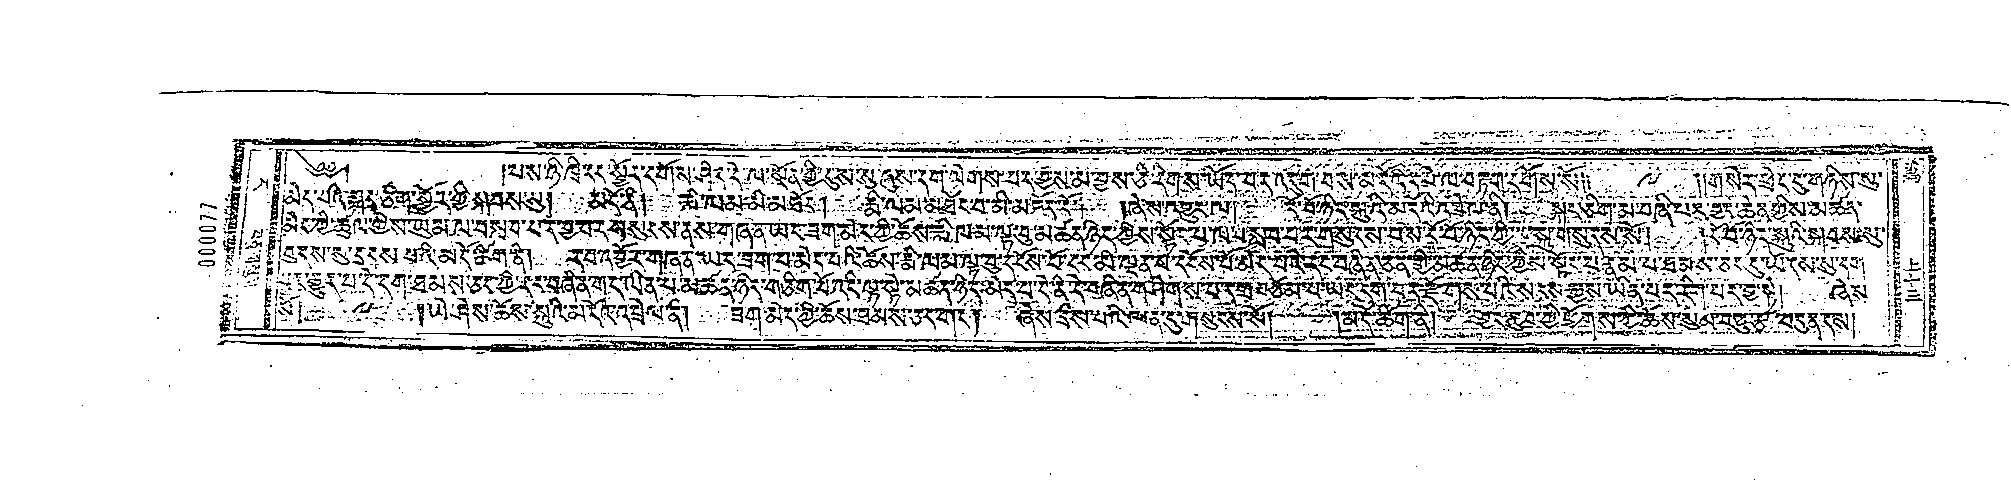༄༅། །པས་ཉི་ཁྲི་དང་སྦྱོར་དགོས་ཤིང་དེ་ལ་སྔོན་གྱི་དུས་སུ་ཞུས་དག་ལེགས་པར་བྱས་མ་བྱས་ཅི་རིགས་ཡོད་པར་འདུག་པས་མདོའི་དཔེ་ལ་བརྟག་དགོས་སོ།། ༧་།།གསེར་ཕྲེང་དུ་གཉིས་སུ་
མེད་པའི་སྐད་ཅིག་སྦྱོར་གྱི་སྐབས་སུ། མདོ་ནི། རྨི་ལམ་མི་མཐོང་། རྨི་ལམ་མཐོང་བ་མི་མཐོང་ངོ། །ཞེས་འབྱུང་ལ། ངོ་བོ་ཉིད་སྐུའི་མདོའི་འབྲེལ་ནི། སྐད་ཅིག་མ་བཞི་པར་བྱང་ཆེན་གྱིས་མཚན་
མེད་ཀྱི་ཚུལ་གྱིས་ཡུམ་ལ་བསླབ་པར་བྱ་བར་གསུངས་ནས་གཞན་ཡང་ཟག་མེད་ཀྱི་ཆོས་རྨི་ལམ་ལྟ་བུ་མཚན་ཉིད་ཀྱིས་སྟོང་པ་ལ་བསླབ་པར་གསུངས་པས་ངོ་བོ་ཉིད་ཀྱི་སྐུ་གསུངས་སོ། །ངོ་བོ་ཉིད་སྐུའི་སྐབས་སུ་
བུངས་སུ་དྲངས་པའི་མདོ་ཚིག་ནི། རབ་འབྱོར་གཞན་ཡང་ཟག་པ་མེད་པའི་ཆོས་རྨི་ལམ་ལྟ་བུ་དངོས་པོ་དང་མི་ལྡན་པ་དངོས་པོ་མེད་པའི་རང་བཞིན་ཅན་གྱི་མཚན་ཉིད་ཀྱིས་སྟོང་པ་རྣམ་པ་ཐམས་ཅད་དུ་ཡོངས་སུ་དག་
པར་རྒྱུར་པ་དེ་དག་ཐམས་ཅད་ཀྱི་རང་བཞིན་གང་ཡིན་པ་མཚན་ཉིད་གཅིག་པོ་འདི་ལྟ་སྟེ་མཚན་ཉིད་མེད་པ་དེ་ནི་དེ་བཞིན་གཤེགས་པ་དགྲ་བཅོམ་པ་ཡང་དག་པར་རྫོགས་པའི་སངས་རྒྱས་ཡིན་པར་རིག་པར་བྱ་སྟེ། ཞེས་
སོ། ༧་།ཡེ་ཤེས་ཆོས་སྐུའི་མདོའི་འབྲེལ་ནི། ཟག་མེད་ཀྱི་ཆོས་ཐམས་ཅད་གང་། ཞེས་དྲིས་པའི་ལན་དུ་གསུངས་སོ། །མདོ་ཚིག་ནི། བྱང་ཆུབ་ཀྱི་ཕྱོགས་ཀྱི་ཆོས་སུམ་བཅུ་རྩ་བདུན་དས།